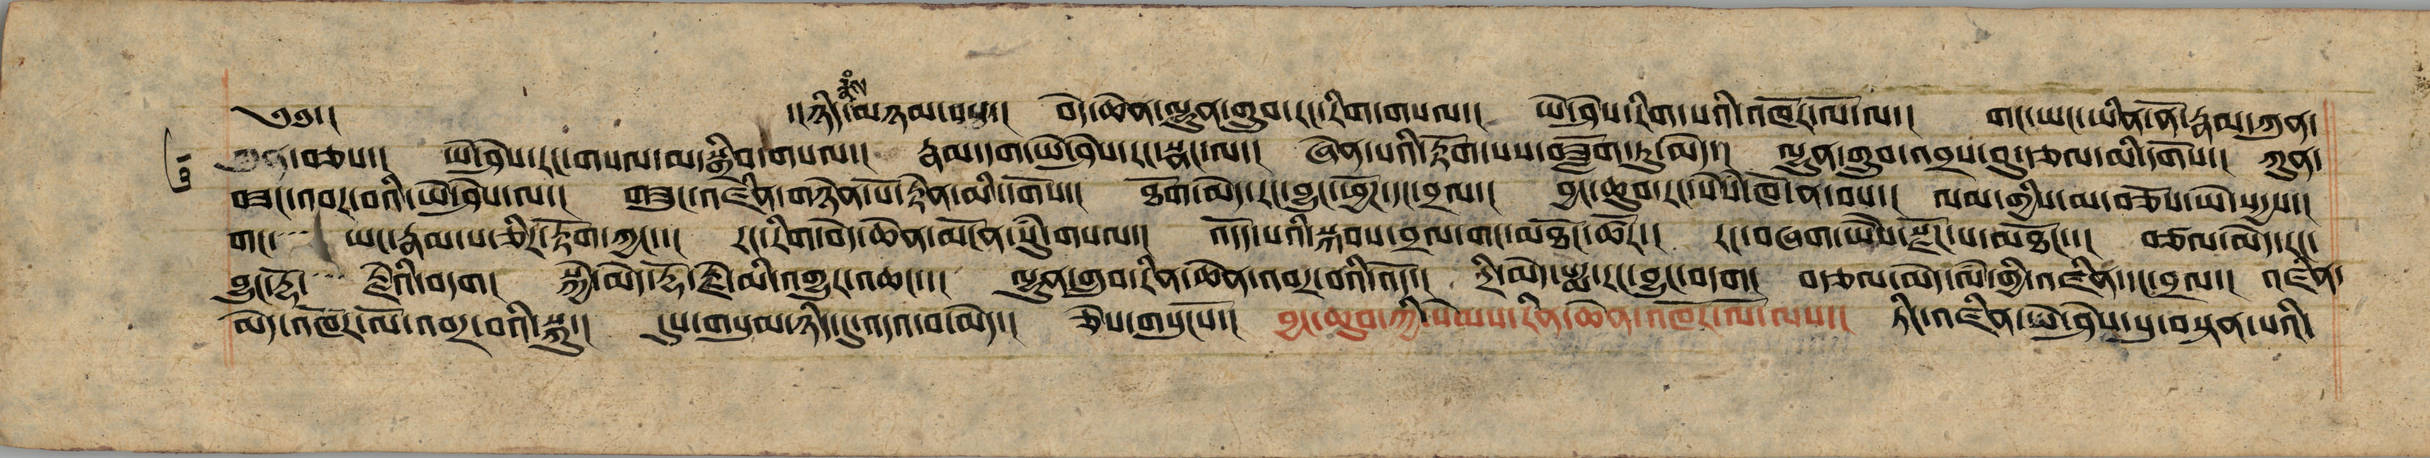༄༅་། ་།ཉིད་མཉམ་བས་། བདེ་ཆེན་ལྷུན་གྲུབ་རང་རིག་གསལ་། ཡེ་ཤེས་རིག་པའི་འཁོར་ལོ་ལ་། གང་ཡང་ཡིན་ནོ་རྣམ་ཀུན་
ཀུན་བཅས་། ཡེ་ཤེས་རང་གསལ་མ་སྒྲིབ་གསལ་། རྣམ་དག་ཡེ་ཤེས་རང་སྣང་ལ་། ཞེན་པའི་རྟོག་པས་བཟློག་ཏུ་མེད་། ལྷུན་གྲུབ་འབྲས་བུ་རྩལ་མི་དགོས་། ཀུན་
བཟང་འབར་བའི་ཡེ་ཤེས་ལ་། གཟུང་འཛིན་གཉེན་པོ་རྟེན་མི་དགོས་། ཐོག་མེད་རང་བྱུང་ཕྱོཌ་དང་བྲལ་། བྱང་ཆུབ་རང་སེཾས་ཁོ་ན་བས་། ལམ་གྱི་མ་བཅོས་ཡེ་སདྱས་།
གང་་་ ། ཡང་རྣམ་པ་ཅིར་རྟོག་ཀྱང་་། རང་རིག་བདེ་ཆེན་མངོན་སུཾ་གསལ་། འདོད་པའི་སྐབས་བྲལ་གང་མཐོང་ཚོར་། རང་བཞག་ཡཻས་སྫོཌ་པ་མཐོང་་། བཙལ་མེད་རང་
བྱུང་རྡོ་ རྗེའི་བདག། སྐྱེ་མེད་རྡོ་རྗེ་མི་འགྱུར་འཆང་་། ལྷུན་གྲུབ་རིན་ཆེན་འབར་བའི་འོད་། དྲི་མེད་པདྨ་རང་བྱུང་བདག། བརྩལ་མེད་ལཾ་གྱི་འཛིན་དང་བྲལ་། འཛིན་
མེད་འཁོར་ལོ་འབར་བའི་སྐུ་། དུས་གསུམ་ཉིད་དུ་འདའ་བ་མེད་། ཅེས་གསུངསོ་། བྱང་ཆུབ་ཀྱི་སེམས་རིན་ཆེན་འཁོར་ལོ་ལས་། ཏིང་འཛིན་ཡེ་ཤེས་སུ་བསྟན་པའི་